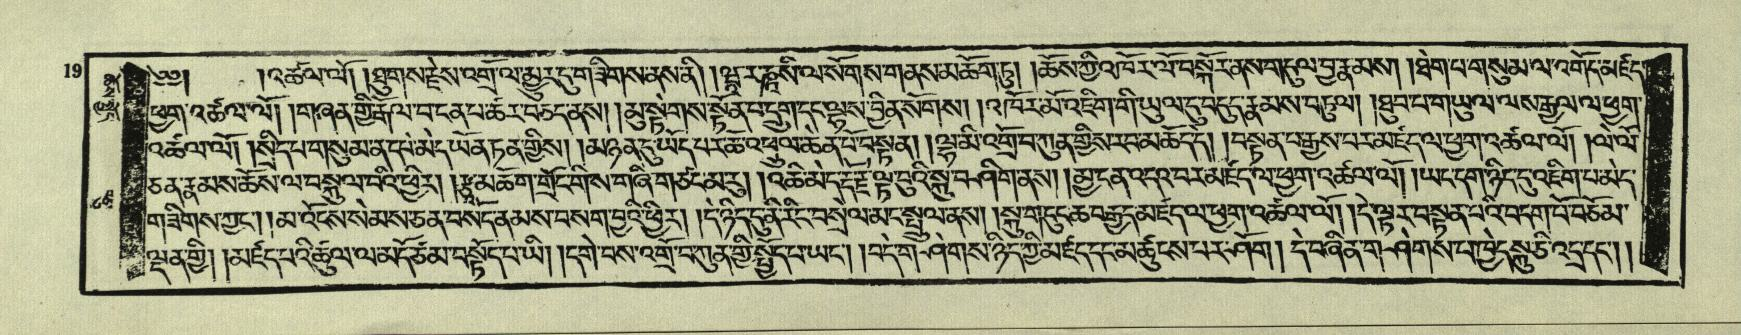༄༅། །འཚལ་ལོ། །ཐུགས་རྗེས་འགྲོ་ལ་མྱུར་དུ་གཟིགས་ནས་ནི། །ཝཱ་ར་ཎཱ་སི་ལ་སོགས་གནས་མཆོག་ཏུ། །ཆོས་ཀྱི་འཁོར་ལོ་བསྐོར་ནས་གདུལ་བྱ་རྣམས། །ཐེག་པ་གསུམ་ལ་འགོད་མཛད་
ཕྱག་འཚལ་ལོ། །གཞན་གྱི་རྒོལ་བ་ངན་པ་ཚར་བཅད་ནས། །མུ་སྟེགས་སྟོན་པ་དྲུག་དང་ལྷས་བྱིན་སོགས། །འཁོར་མོ་འཇིག་གི་ཡུལ་དུ་བདུད་རྣམས་བཏུལ། །ཐུབ་པ་གཡུལ་ལས་རྒྱལ་ལ་ཕྱག་
འཚལ་ལོ། །སྲིད་པ་གསུམ་ན་དཔེ་མེད་ཡོན་ཏན་གྱིས། །མཉན་དུ་ཡོད་པར་ཆོ་འཕྲུལ་ཆེན་པོ་བསྟན། །ལྷ་མི་འགྲོ་བ་ཀུན་གྱིས་རབ་མཆོད་དེ། །བསྟན་པ་རྒྱས་པར་མཛད་ལ་ཕྱག་འཚལ་ལོ། །ལེ་ལོ་
ཅན་རྣམས་ཆོས་ལ་བསྐུལ་བའི་ཕྱིར། །རྩཱ་མཆོག་གྲོང་གིས་གཞི་གཙང་མ་རུ། །འཆི་མེད་རྡོ་རྗེ་ལྟ་བུའི་སྐུ་བཤིག་ནས། །མྱ་ངན་འདའ་བར་མཛད་ལ་ཕྱག་འཚལ་ལོ། །ཡང་དག་ཉིད་དུ་འཇིག་པ་མེད་
གཟིགས་ཀྱང་། །མ་འོངས་སེམས་ཅན་བསོད་ནམས་བསག་བྱའི་ཕྱིར། །དེ་ཉིད་དུ་ནི་རིང་བསྲེལ་མང་སྤྲུལ་ནས། །སྐུ་གདུང་ཆ་བརྒྱད་མཛད་ལ་ཕྱག་འཚལ་ལོ། །དེ་ལྟར་བསྟན་པའི་བདག་པོ་བཅོམ་
ལྡན་གྱི། །མཛད་པའི་ཚུལ་ལ་མདོ་ཙམ་བསྟོད་པ་ཡི། །དགེ་བས་འགྲོ་བ་ཀུན་གྱི་སྤྱོད་པ་ཡང་། །བདེ་གཤེགས་ཉིད་ཀྱི་མཛད་དང་མཚུངས་པར་ཤོག །དེ་བཞིན་གཤེགས་པ་ཁྱེད་སྐུ་ཅི་འདྲ་དང་། །